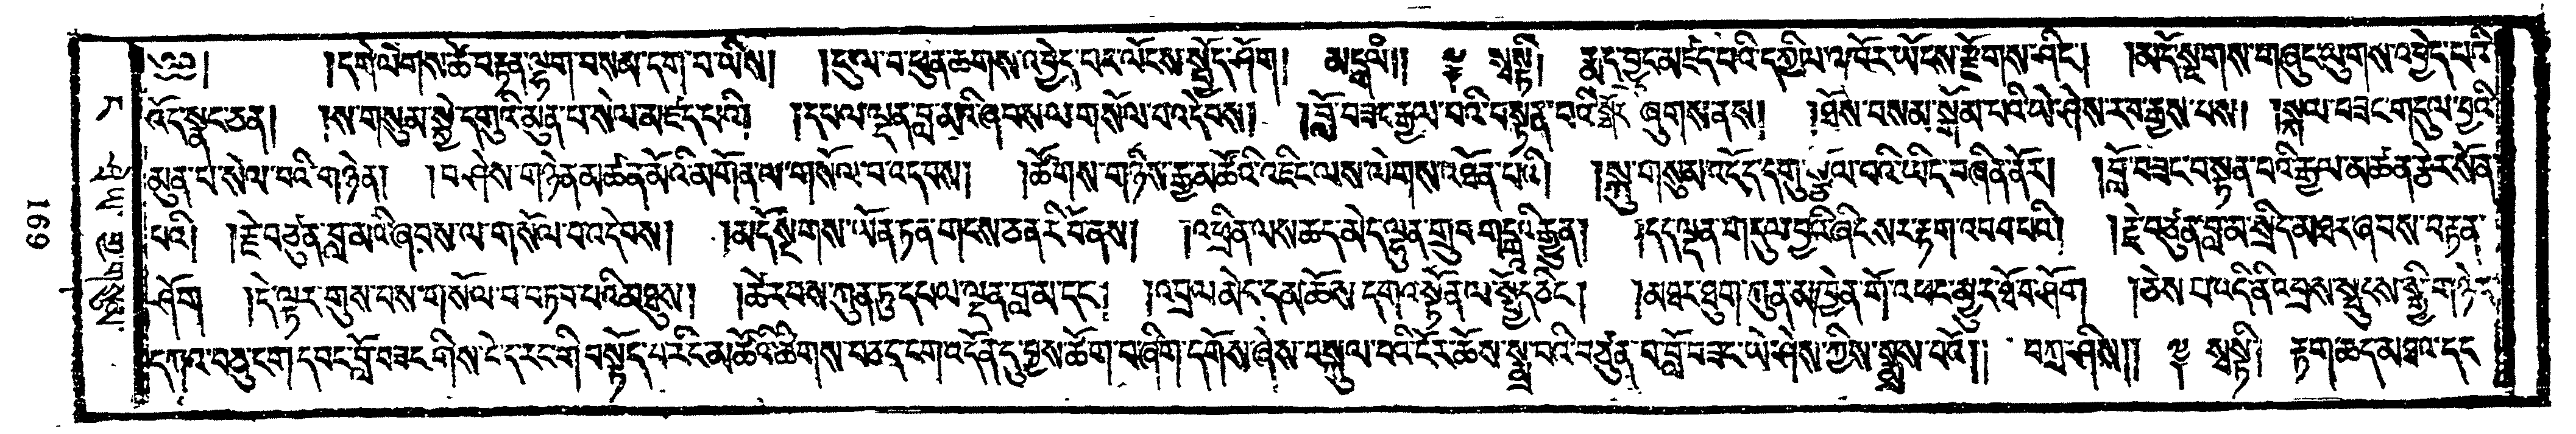༄༅། །དགེ་ལེགས་ཚེ་བརྟན་ལྷག་བསམ་དག་པ་ཡིས། །དུལ་བ་ཕུན་ཆགས་འབྱེད་པར་ལོངས་སྦྱོད་ཤོག། མངྒལཾ།། ༈ སྭསྟི། རྨད་བྱུང་མཛད་པའི་དཀྱིལ་འཁོར་ཡོངས་རྫོགས་ཤིང་། །མདོ་སྔགས་གཞུང་ལུགས་འབྱེད་པའི་
འོད་སྣང་ཅན། །ས་གསུམ་སྐྱེ་དགུའི་མུན་པ་སེལ་མཛད་པའི། །དཔལ་ལྡན་བླ་མའི་ཞབས་ལ་གསོལ་བ་འདེབས། །བློ་བཟང་རྒྱལ་བའི་བསྟན་པའི་སྒོར་ཞུགས་ནས། །ཐོས་བསམ་སྒོམ་པའི་ཡེ་ཤེས་རབ་རྒྱས་པས། །སྐལ་བཟང་གདུལ་བྱའི་
མུན་པ་སེལ་བའི་གཉེན། །བཤེས་གཉེན་མཚན་མོའི་མགོན་ལ་གསོལ་བ་འདབས། །ཚོགས་གཉིས་རྒྱ་མཚོའི་འཇིང་ལས་ལེགས་འཐོན་པའི། །སྐུ་གསུམ་འདོད་དགུ་སྩོལ་བའི་ཡིད་བཞིན་ནོར། །བློ་བཟང་བསྟན་པའི་རྒྱལ་མཚན་རྩེར་སོན་
པའི། །རྗེ་བཙུན་བླ་མའི་ཞབས་ལ་གསོལ་བ་འདེབས། །མདོ་སྔགས་ཡོན་ཏན་གངས་ཅན་རི་བོ་ནས། །འཕྲིན་ལས་ཆད་མེད་ལྷུན་གྲུབ་གངྒཱའི་རྒྱུན། །དད་ལྡན་གདུལ་བྱའི་ཞིང་སར་རྟག་འབབ་པའི། །རྗེ་བཙུན་བླ་མ་སྲིད་མཐར་ཞབས་བརྟན་
ཤོག །དེ་ལྟར་གུས་པས་གསོལ་བྤ་བཏབ་པའི་མཐུས། །ཚེ་རབ་ཀུན་ཏུ་དཔལ་ལྡན་བླ་མ་དང་། འབྲལ་མེད་དམ་ཆོས་དགའ་སྟོན་ལ་སྤྱོད་ཅིང་། །མཐར་ཐུག་ཀུན་མཁྱེན་གོ་འཕང་མྱུར་ཐོ་བ་ཤོག །ཅེས་པ་འདི་ནི་འབྲས་སྦུངས་སྒྱི་གཉེན?
དཀའ་བཅུ་ངག་དབང་བློ་བཟང་གིས་ངེད་རང་གི་བསྟོད་པ་རིང་མཚོའི་ཚིགས་བཅད་ངག་འདོན་དུ་བྱས་ཆོ་ག་བ་ཞིག་དགོས་ཞེས་བསྐུལ་བའི་ངོར་ཆོས་སྨྲ་བའི་བཙུན་བ་བློ་བཟང་ཡེ་ཤེས་ཀྱིས་སྨྲས་བའོ།། བཀྲ་ཤིས།། ༈ སྭསྟི། རྟག་ཆད་མཐའ་དང་